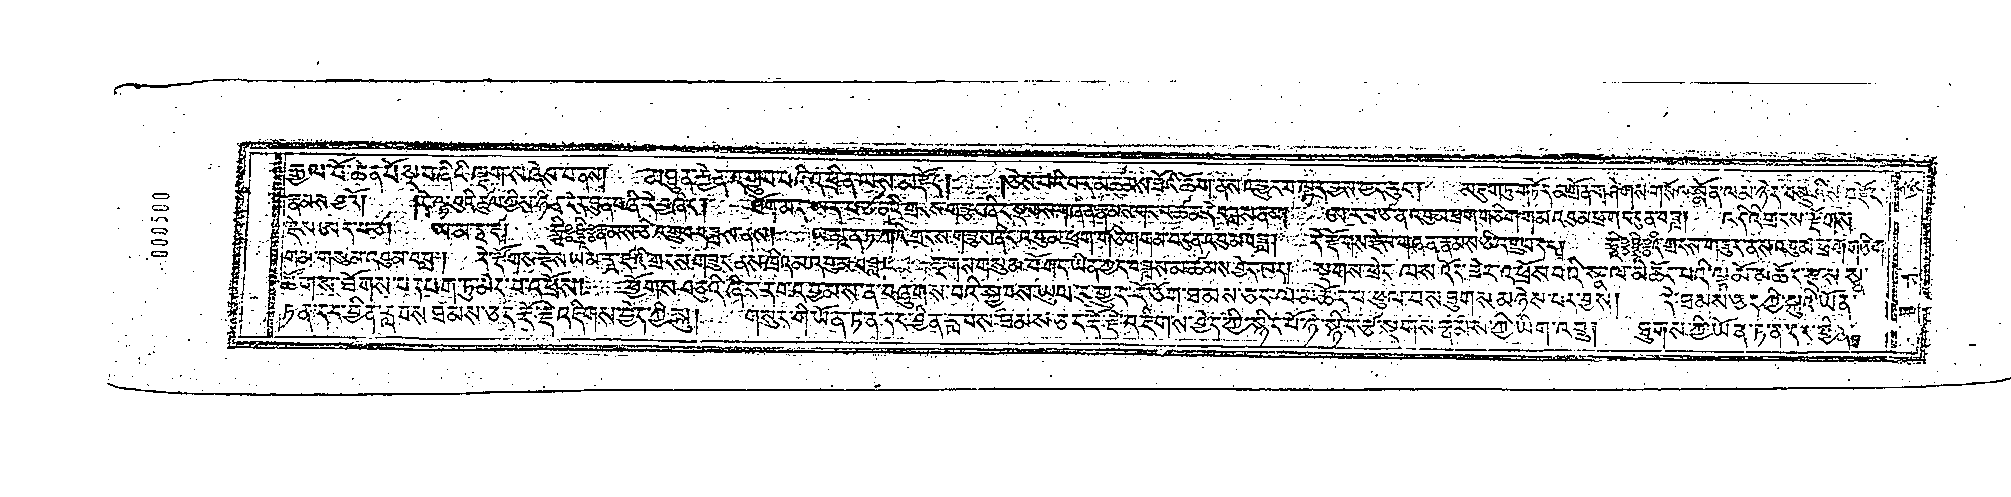རྒྱལ་པོ་ཆེན་པོ་སྔ་བཞིའི་ལྗགས་ཞེས་པ་ནས། མཐུན་རྐྱེན་འགྲུབ་པའི་འཕྲིན་ལས་མཛོད། །ཅེས་པའི་བར་མཚམས་ཐོའི་ཆོག་ནས་འབྱུང་བ་ལྟར་བྱས་ཀྱང་རུང་། མཇུག་ཏུ་གཏོར་མགྲོན་གཤེགས་གསོལ་སྨོན་ལམ་ཉེར་བསྡུ་ཤིས་བརྗོད་
རྣམས་བྱའོ། །དེ་ལྟ་བུའི་ཚུལ་གྱིས་ཉིན་དེར་ཐུན་བཞི་རེ་བྱ་ཞིང་། ཐོག་མར་ཨ་ར་པ་ཙ་ནའི་གྲངས་གཟུང་ཞིང་སྔགས་གཞན་རྣམས་གང་འཚམ་དེ་བཟླས་ནས། ཨ་ར་པ་ཙ་ན་འབུམ་ཕྲག་གཅིག་གམ་འབུམ་ཕྲག་བདུན་བཟླ། འདིའི་གྲངས་རྫོགས་
རྫེས་ཨ་ར་པ་ཙ། ཡ་མ་རཱ་ཛ། ཧྲཱིཿ་ཥྚྲཱིཿ་རྣམས་ཅི་འགྲུབ་བཟླས་ནས། ཡ་མཱན་ཏ་ཀའི་གྲངས་གཟུང་ཞིང་འབུམ་ཕྲག་གཅིག་གམ་བདུན་འབུམ་བཟླ། དེ་རྫོགས་རྗེས་གཞན་རྣམས་ཅི་འགྲུབ་དང་། ཧྲཱིཿ་ཥྚྲཱིཿ་འགྲངས་གཟུང་ནས་འབུམ་ཕྲག་གཅིག་
གམ་གསུམ་འབུམ་བཟླ། དེ་རྫོགས་རྗེས་ཡ་མ་རཱ་ཛའི་གྲངས་གཟུང་ནས་ཁྲིའམ་འབུམ་བཟླ། སྔགས་གསུམ་བོ་གང་ཡིན་ཀྱང་བཟླས་མཚམས་བྱེད་ཁར། སྔགས་ཕྲེང་ལས་འོད་ཟེར་འཕྲོས་བའི་སྣ་ལ་མཆོད་པའི་ལྷ་མོ་མཆོད་རྫས་སྣ་
ཚོགས་ཐོགས་པ་དཔག་ཏུ་མེད་པ་འཕྲོས། ཕྱོགས་བཅུའི་ཞིང་རབ་འབྱམས་ན་བཞུགས་བའི་སྐྱབས་ཡུལ་དུ་གྱུར་རོ་ཅོག་ཐམས་ཅད་ལ་མཆོད་པ་ཕུལ་བས་ཐུགས་མཉེས་པར་བྱས། དེ་ཐམས་ཅད་ཀྱི་སྐུའི་ཡོན་
ཏན་དང་བྱིན་རླབས་ཐམས་ཅད་རྡོ་རྗེ་འཇིགས་བྱེད་ཀྱི་སྐུ། གསུང་གི་ཡོན་ཏན་དང་བྱིན་རླབས་ཐམས་ཅད་རྡོ་རྗེ་འཇིགས་བྱེད་ཀྱི་སྙིང་པོ་ཉེ་སྙིང་རྩ་སྔགས་རྣམས་ཀྱི་ཡིག་འབྲུ། ཐུགས་ཀྱི་ཡོན་ཏན་དང་བྱིན་